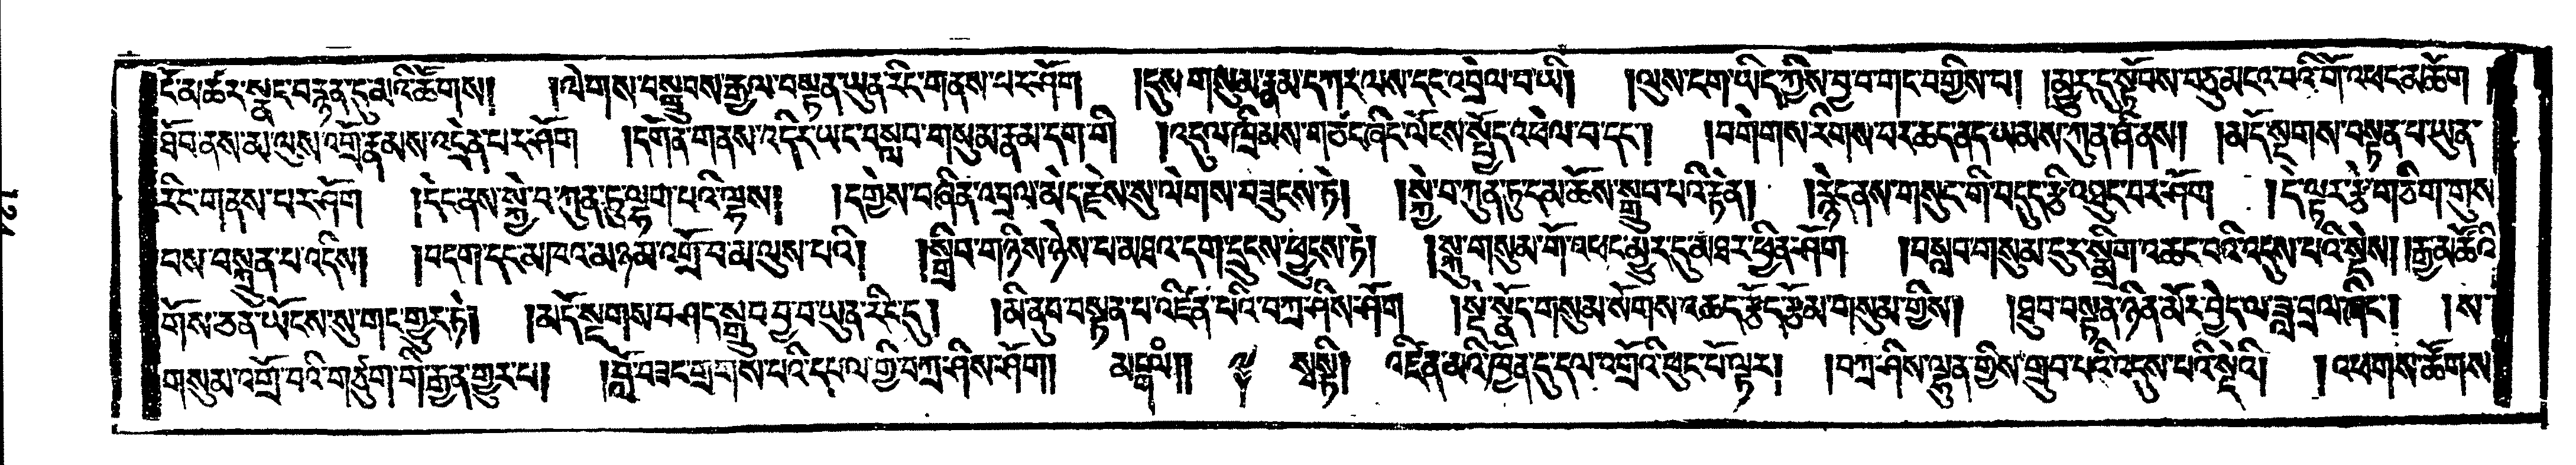ངོ་མཚར་སྣང་བརྙན་དུ་མའི་ཚོགས། །ལེགས་བསྒྲུབས་རྒྱལ་བསྟན་ཡུན་རིང་གནས་པར་ཤོག །དུས་གསུམ་རྣམ་དཀར་ལས་དང་འབྲེལ་བ་ཡི། །ལུས་ངག་ཡིད་ཀྱིས་བྱ་བ་གང་བགྱིས་པ། །མྱུར་དུ་སྟོབས་བཅུ་མངའ་བའི་གོ་འཕང་མཆོག །
ཐོབ་ནས་མ་ལུས་འགྲོ་རྣམས་འདྲེན་པར་ཤོག །དགོན་གནས་འདིར་ཡང་བསླབ་གསུམ་རྣམ་དག་གི །འདུལ་ཁྲིམས་གཙང་ཞིང་ལོངས་སྤྱོད་འཕེལ་བ་དང་། །བགེགས་རིགས་བར་ཆད་ནད་ཡམས་ཀུན་ཞི་ནས། །མདོ་སྔགས་བསྟན་པ་ཡུན་
རིང་གནས་པར་ཤོག །དེང་ནས་སྐྱེ་བ་ཀུན་ཏུ་ལྷག་པའི་ལྷས། །དགྱེས་བཞིན་འབྲལ་མེད་རྗེས་སུ་ལེགས་བཟུངས་ཏེ། །སྐྱེ་བ་ཀུན་ཏུ་དམ་ཆོས་སྒྲུབ་པའི་རྟེན། །རྙེད་ནས་གསུང་གི་བདུད་རྩི་འཐུང་བར་ཤོག །དེ་ལྟར་རྩེ་གཅིག་གུས་
བས་བསྐྲུན་པ་འདིས། །བདག་དང་མཁའ་མཉམ་འགྲོ་བ་མ་ལུས་པའི། །སྒྲིབ་གཉིས་ཉེས་པ་མཐའ་དག་དྲུངས་ཕྱུངས་ཏེ། །སྐུ་གསུམ་གོ་འཕང་མྱུར་དུ་མཐར་ཕྱིན་ཤོག །བསླབ་གསུམ་ངུར་སྨྲིག་འཆང་བའི་འདུས་པའི་སྡེས། །རྒྱ་མཚོའི་
གོས་ཅན་ཡོངས་སུ་གང་གྱུར་ཏེ། །མདོ་སྔགས་བཤད་སྒྲུབ་བྱ་བ་ཡུན་རིང་དུ། །མི་ནུབ་བསྟན་པ་འཛིན་པའི་བཀྲ་ཤིས་ཤོག །སྡེ་སྣོད་གསུམ་སོགས་འཆད་རྩོད་རྩོམ་གསུམ་གྱིས། །ཐུབ་བསྟན་ཉིན་མོར་བྱེད་ལ་ཟླ་བྲལ་ཞིང་། །ས་
གསུམ་འགྲོ་བའི་གཙུག་གི་རྒྱན་གྱུར་པ། །བློ་བཟང་གྲགས་པའི་དཔལ་གྱི་བཀྲ་ཤིས་ཤོག། མངྒལཾ།། ༈ སྭསྟི། འཛིན་མའི་ཁྱོན་དུ་དལ་འགྲོའི་ཕུང་པོ་ལྟར། །བཀྲ་ཤིས་ལྷུན་གྱིས་གྲུབ་པའི་འདུས་པའི་སྡེའི། །འཕགས་ཚོགས་